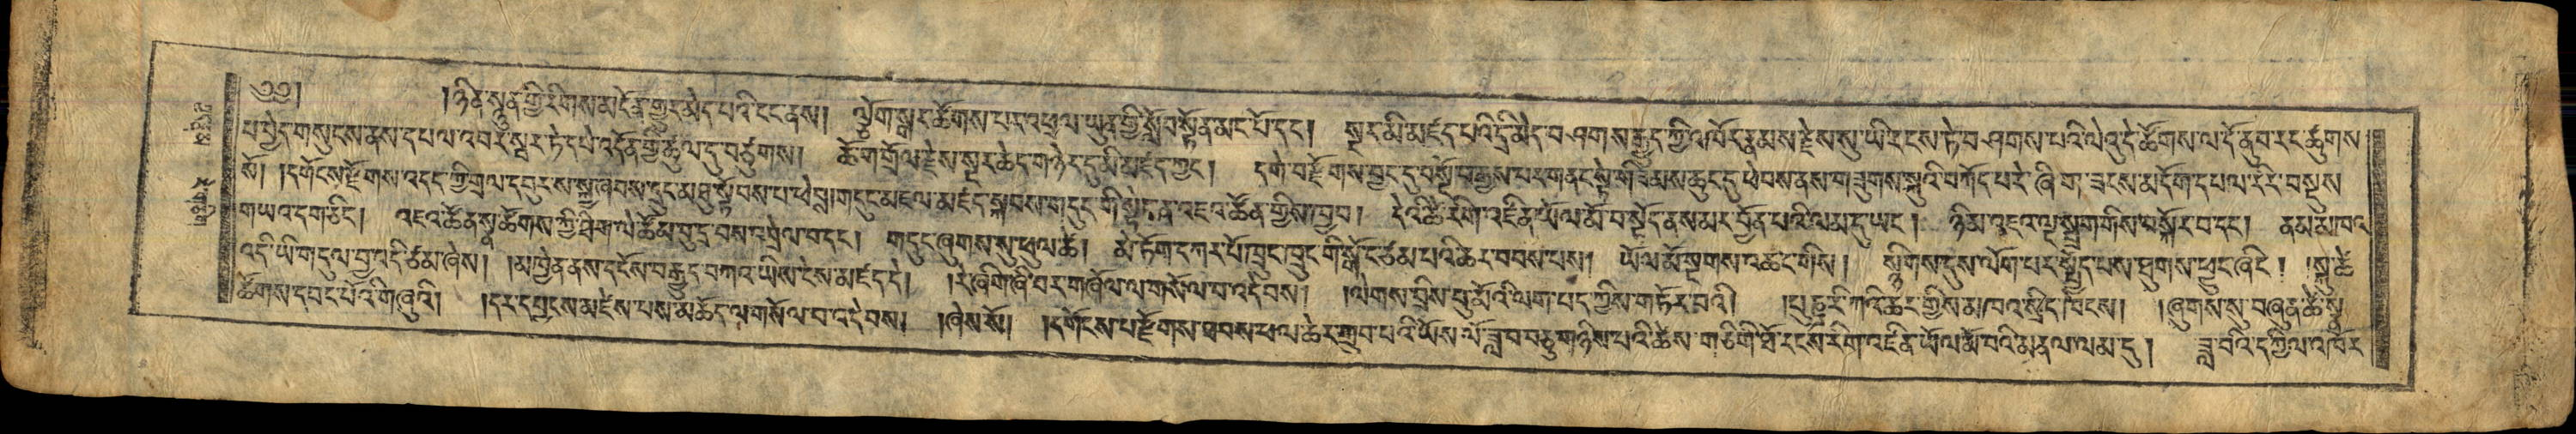༄༅། །ཉིན་སྙུན་གྱི་རིགས་མངོན་གྱུར་མེད་པའི་ངང་ནས། ལྕོག་སྒར་ཚོགས་པར་འཕྲལ་ཡུན་གྱི་སློབ་སྟོན་མང་པོ་དང་། སྔར་མི་མཛད་པའི་དྲི་མེད་བཤགས་རྒྱུད་ཀྱི་འཁོར་རྣམས་རྗེས་སུ་ཡི་རངས་ཏེ་བཤགས་པའི་ལེའུ་དེ་ཚོགས་ལ་དོ་ནུབ་རང་ཚུགས་
བ་བྱེད་གསུངས་ནས་དཔལ་འབར་སྦར་ཏེ་དཔེ་འདོན་གྱི་ཚུལ་དུ་བཙུགས། ཆོ་ག་གྲོལ་རྗེས་སྔར་ཆེད་གཉེར་དུ་མི་མཛད་ཀྱང་། དགེ་བརྫོགས་བྱང་དུ་བསྔོ་བརྒྱས་པར་གནང་སྟེ་གཟིམས་ཆུང་དུ་ཕེབས་ནས་གཟུགས་སྐུའི་བཀོད་པ་རེ་ཞིག་ཟངས་མདོག་དཔལ་རིར་བསྡུས་
སོ། །དགོངས་རྫོགས་འདད་ཀྱི་གྲལ་དབུར་ས་སྐྱ་ཞབས་དྲུང་མཐུ་སྟོབས་པ་ཕེབས། གདུང་མཇལ་མཛད་སྐབས་གདུང་གི་སྟེང་ན་འཇའ་ཚོན་གྱིས་ཁྱབ། དེའི་ཚེ་རིག་འཛིན་ཡོལ་མོ་བསྟོད་ནས་མར་བྱོན་པའི་ལམ་དུ་ཡང་། ཉི་མ་འཇའ་ལྔ་སྦྲག་གིས་བསྐོར་བ་དང་། ནམ་མཁའ་
གཡའ་དག་ཅིང་། འཇའ་ཚེན་སྣ་ཚོགས་ཀྱི་ཐིག་ལེ་ཚོམ་བུ་དྲ་བས་འབྲེལ་པ་དང་། གདུང་ཞུགས་སུ་ཕུལ་ཚེ། མེ་ཏོག་དཀར་པོ་ཁྲུང་ཁྲུང་གི་སྒོང་ཙམ་པའི་ཆར་བབས་པས། ཡོལ་མོ་སྔགས་འཆང་གིས། སྙིགས་དུས་ལོག་པར་སྤྱོད་པས་ཐུགས་ཕྱུང་ཞིང་། །སྐུ་ཚེ་
འདི་ཡི་གདུལ་བྱ་འདི་ཙམ་ཞེས། །མཁྱེན་ནས་དངོས་བརྒྱུད་བཀའ་ཡིས་ངེས་མཛད་དེ། །རེ་ཞིག་ཞི་བར་གཞོལ་ལ་གསོལ་བ་འདེབས། །ལེགས་བྲིས་བུ་མོའི་ལག་པད་ཀྱིས་གཏོར་བའི། །པུཎྜ་རི་ཀའི་ཆར་གྱིས་མཁའ་སྲིད་ཁེངས། །ཞུགས་སུ་བཞུན་ཚེ་སྣ་
ཚོགས་དབང་པོའི་གཞུའི། །དར་དབངས་མཛེས་པས་མཆོད་ལ་གསོལ་བ་འདེབས། །ཞེས་སོ། །དགོངས་པ་རྫོགས་ཐབས་ཕལ་ཆེར་གྲུབ་པའི་ཡོས་ལོ་ཟླ་བ་བཅུ་གཉིས་པའི་ཚེས་གཅིག་གི་ཐོ་རངས་རིག་འཛིན་ཡོལ་མོ་བའི་མནལ་ལམ་དུ། ཟླ་བའི་དཀྱིལ་འཁོར་